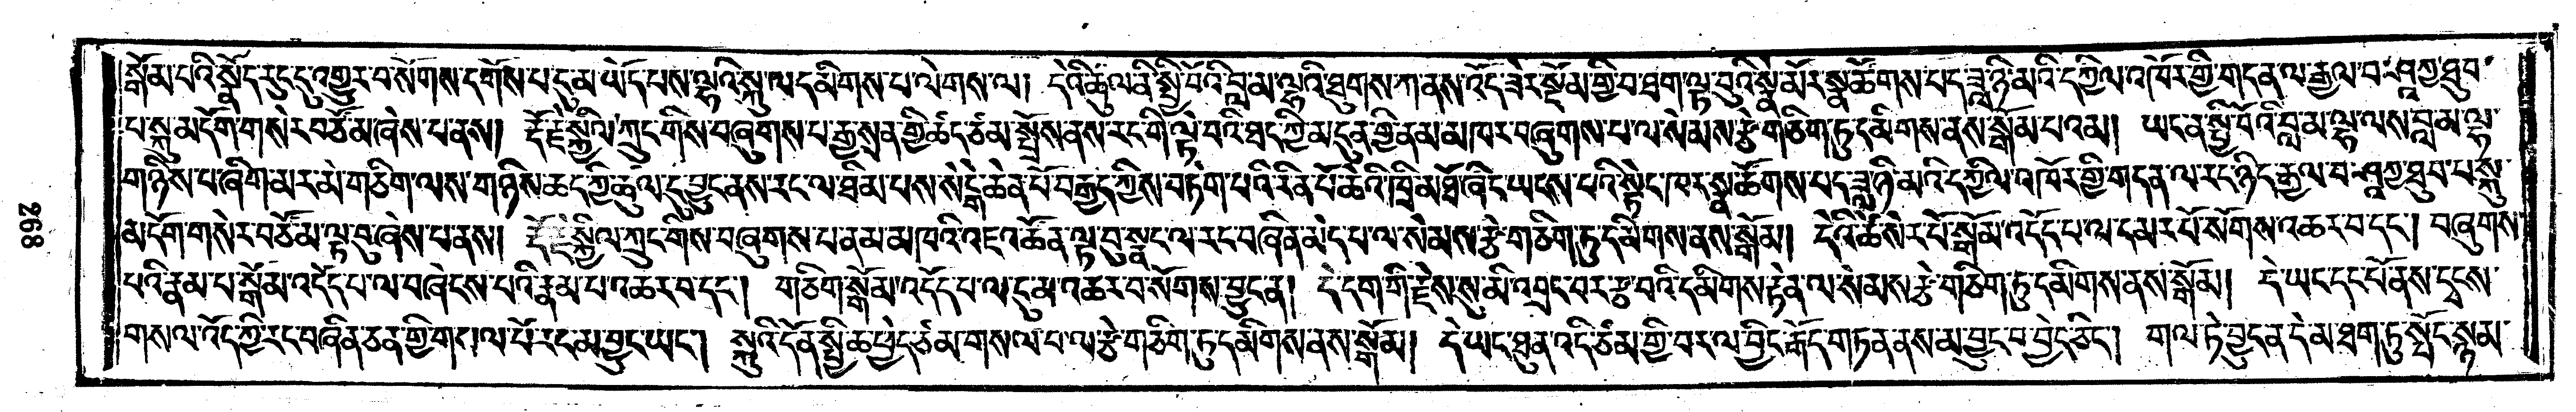སྒོམ་པའི་སྣོད་རུང་དུ་འགྱུར་བ་སོགས་དགོས་པ་དུ་མ་ཡོད་པས་ལྷའི་སྐུ་ལ་དམིགས་པ་ལེགས་ལ། དེའི་ཚུལ་ནི་སྤྱི་བོའི་བླ་མ་ལྷའི་ཐུགས་ཀ་ནས་འོད་ཟེར་སྡོམ་གྱི་བ་ཐག་ལྟ་བུའི་སྣེ་མོར་སྣ་ཚོགས་པད་ཟླ་ཉི་མའི་དཀྱིལ་འཁོར་གྱི་གདན་ལ་རྒྱལ་བ་ཤཱཀྱ་ཐུབ་
པ་སྐུ་མདོག་གསེར་བཙོ་མ་ཞེས་པ་ནས། རྡོ་རྗེ་སྐྱིལ་ཀྲུང་གིས་བཞུགས་པ་རྒྱ་སྲན་གྱི་ཚད་ཙམ་སྤྲོས་ནས་རང་གི་ལྟེ་བའི་ཐད་ཀྱི་མདུན་གྱི་ནམ་མཁར་བཞུགས་པ་ལ་སེམས་རྩེ་གཅིག་ཏུ་དམིགས་ནས་སྒོམ་པའམ། ཡང་ན་སྤྱི་བོའི་བླ་མ་ལྷ་ལས་བླ་མ་ལྷ་
གཉིས་པ་ཞིག་མར་མེ་གཅིག་ལས་གཉིས་ཆད་ཀྱི་ཚུལ་དུ་བྱུང་ནས་རང་ལ་ཐིམ་པས་སེངྒེ་ཆེན་པོ་བརྒྱད་ཀྱིས་བཏེག་པའི་རིན་པོ་ཆེའི་ཁྲི་མཐོ་ཞིང་ཡངས་པའི་སྟེང་ཁར་སྣ་ཚོགས་པད་ཟླ་ཉི་མའི་དཀྱིལ་འཁོར་གྱི་གདན་ལ་རང་ཉིད་རྒྱལ་བ་ཤཱཀྱ་ཐུབ་པ་སྐུ་
མདོག་གསེར་བཙོ་མ་ལྟ་བུ་ཞེས་པ་ནས། རྡོ་རྗེ་སྐྱིལ་ཀྲུང་གིས་བཞུགས་པ་ནམ་མཁའི་འཇའ་ཚོན་ལྟ་བུ་སྣང་ལ་རང་བཞིན་མེད་པ་ལ་སེམས་རྩེ་གཅིག་ཏུ་དམིགས་ནས་སྒོམ། དེའི་ཚེ་སེར་པོ་སྒོམ་འདོད་པ་ལ་དམར་པོ་སོགས་འཆར་བ་དང་། བཞུགས་
པའི་རྣམ་པ་སྒོམ་འདོད་པ་ལ་བཞེངས་པའི་རྣམ་པ་འཆར་བ་དང་། གཅིག་སྒོམ་འདོད་པ་ལ་དུ་མ་འཆར་བ་སོགས་བྱུང་ན། དེ་དག་གི་རྗེས་སུ་མི་འབྲང་བར་རྩ་བའི་དམིགས་རྟེན་ལ་སེམས་རྩེ་གཅིག་ཏུ་དམིགས་ནས་སྒོམ། དེ་ཡང་དང་པོ་ནས་དྭངས་
གསལ་འོད་ཀྱི་རང་བཞིན་ཅན་གྱི་གསལ་པོ་རང་མ་བྱུང་ཡང་། སྐུའི་དོན་སྤྱི་ཆ་ཕྱེད་ཙམ་གསལ་བ་ལ་རྩེ་གཅིག་ཏུ་དམིགས་ནས་སྒོམ། དེ་ཡང་ཐུན་འདི་ཙམ་གྱི་བར་ལ་བྱིང་རྒོད་གཏན་ནས་མ་བྱུང་བ་བྱེད་ཅིང་། གལ་ཏེ་བྱུང་ན་དེ་མ་ཐག་ཏུ་སྤོང་སྙམ་